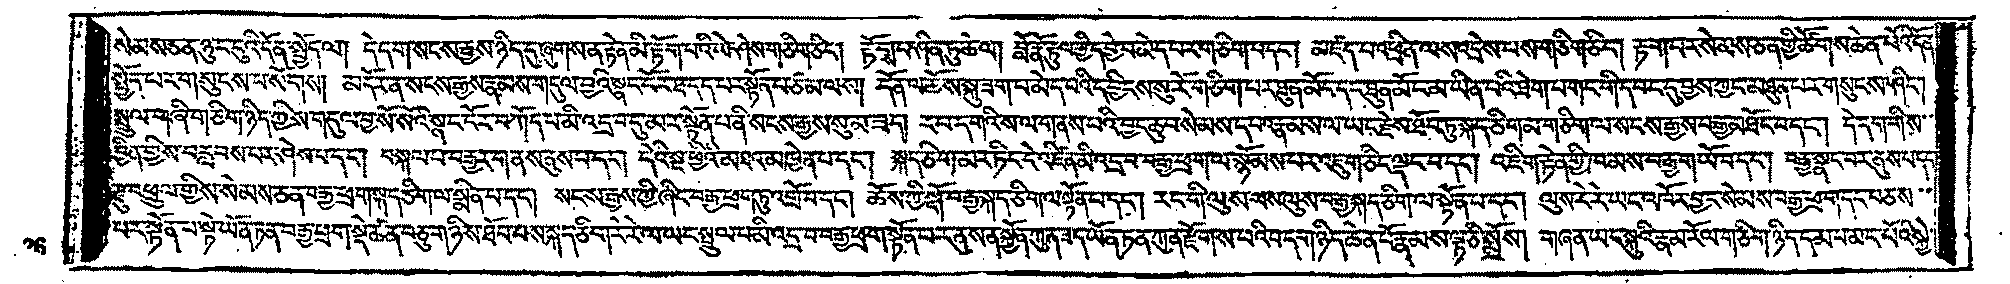སེམས་ཅན་ཉུང་ངུའི་དོན་སྤྱོད་ལ། དེ་དག་སངས་རྒྱས་ཉིད་དུ་ཞུགས་ན་རྟེན་མི་རྟོག་པའི་ཡེ་ཤེས་གཅིག་ཅིང་། རྟོགས་པ་ཤིན་ཏུ་ཆེ་ལ། བློ་རྣོ་རྟུལ་གྱི་དབྱེ་བ་མེད་པར་གཅིག་པ་དང་། མཛད་པ་འཕྲིན་ལས་འདྲེས་པས་གཅིག་ཅིང་། རྟག་པར་སེམས་ཅན་གྱི་ཚོགས་ཆེན་པོའི་དོན་
སྤྱོད་པར་གསུངས་པ་སོགས། མདོར་ན་སངས་རྒྱས་རྣམས་གདུལ་བྱའི་སྣང་ངོར་ཐ་དད་པར་སྟོན་པ་ཙམ་ལས། དོན་ལ་ཆོས་སྐུ་ཟག་པ་མེད་པའི་དབྱིངས་སུ་རོ་གཅིག་པར་ཐུན་མོང་དང་ཐུན་མོང་མ་ཡིན་པའི་ཐེག་པ་གང་གི་དབང་དུ་བྱས་ཀྱང་མཐུན་པར་གསུངས་ཤིང་།
སྤྲུལ་གཞི་གཅིག་ཉིད་ཀྱིས་གདུལ་བྱ་སོ་སོའི་སྣང་ངོར་བཀོད་པ་མི་འདྲ་བ་དུ་མར་སྟོན་པ་ནི་སངས་རྒྱས་སུ་མ་ཟད། རབ་དགའི་ས་ལ་གནས་པའི་བྱང་ཆུབ་སེམས་དཔའ་རྣམས་ལ་ཡང་རྗེས་ཐོབ་ཏུ་སྐད་ཅིག་མ་གཅིག་ལ་སངས་རྒྱས་བརྒྱ་མཐོང་བ་དང་། དེ་དག་གིས་
བྱིན་གྱིས་བརླབས་པར་ཤེས་པ་དང་། བསྐལ་པ་བརྒྱར་གནས་ནུས་པ་དང་། དེའི་སྔ་ཕྱིའི་མཐའ་མཁྱེན་པ་དང་། སྐད་ཅིག་མར་ཏིང་ངེ་འཛིན་མི་འདྲ་བ་བརྒྱ་ཕྲག་ལ་སྙོམས་པར་འཇུག་ཅིང་ལྡང་བ་དང་། འཇིག་རྟེན་གྱི་ཁམས་བརྒྱ་གཡོ་བ་དང་། བརྒྱ་སྣང་བར་ནུས་པ་དང་
རྫུ་འཕྲུལ་གྱིས་སེམས་ཅན་བརྒྱ་ཕྲག་སྐད་ཅིག་ལ་སྨིན་པ་དང་། སངས་རྒྱས་ཀྱི་ཞིང་བརྒྱ་ཕྲག་ཏུ་འགྲོ་བ་དང་། ཆོས་ཀྱི་སྒོ་བརྒྱ་སྐད་ཅིག་ལ་སྟོན་པ་དང་། རང་གི་ལུས་ལས་ལུས་བརྒྱ་སྐད་ཅིག་ལ་སྟོན་པ་དང་། ལུས་རེ་རེ་ཡང་འཁོར་བྱང་སེམས་བརྒྱ་ཕྲག་དང་བཅས་
པར་སྟོན་པ་སྟེ་ཡོན་ཏན་བརྒྱ་ཕྲག་སྡེ་ཚན་བཅུ་གཉིས་ཐོབ་པས་སྐད་ཅིག་རེ་རེ་ལ་ཡང་སྤྲུལ་པ་མི་འདྲ་བ་བརྒྱ་ཕྲག་སྟོན་པར་ནུས་ན་སྐྱོན་ཀུན་ཟད་ཡོན་ཏན་ཀུན་རྫོགས་པའི་བདག་ཉིད་ཆེན་པོ་རྣམས་ལྟ་ཅི་སྨྲོས། གཞན་ཡང་སྐུའི་རྣམ་རོལ་གཅིག་ཉིད་དམ་པ་མང་པོའི་སྐྱེ་